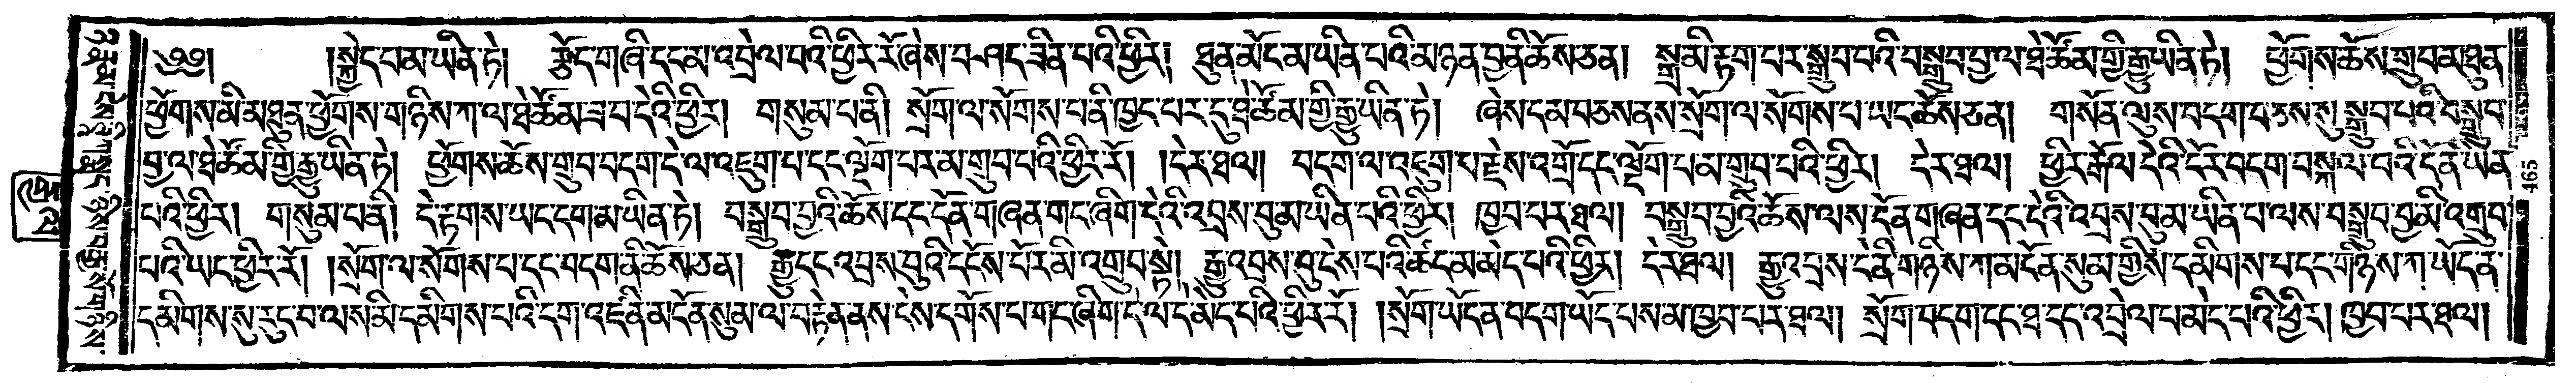༄༅། །སྐྱེད་པ་མ་ཡིན་ཏེ། རྩོད་གཞི་དང་མ་འབྲེལ་བའི་ཕྱིར་རོ་ཞེས་བཤད་ཟིན་པའི་ཕྱིར། ཐུན་མོང་མ་ཡིན་པའི་མཉན་བྱ་ནི་ཆོས་ཅན། སྒྲ་མི་རྟག་པར་སྒྲུབ་པའི་བསྒྲུབ་བྱ་ལ་ཐེ་ཚོམ་གྱི་རྒྱུ་ཡིན་ཏེ། ཕྱོགས་ཆོས་གྲུབ་མཐུན་
ཕྱོགས་མི་མཐུན་ཕྱོགས་གཉིས་ཀ་ལ་ཐེ་ཚོམ་ཟ་བ་དེའི་ཕྱིར། གསུམ་པ་ནི། སྲོག་ལ་སོགས་པ་ནི་ཁྱད་པར་དུ་ཐེ་ཚོམ་གྱི་རྒྱུ་ཡིན་ཏེ། ཞེས་དམ་བཅས་ནས་སྲོག་ལ་སོགས་པ་ཡང་ཆོས་ཅན། གསོན་ལུས་བདག་བཅས་སུ་སྒྲུབ་པའི་བསྒྲུབ་
བྱ་ལ་ཐེ་ཚོམ་གྱི་རྒྱུ་ཡིན་ཏེ། ཕྱོགས་ཆོས་གྲུབ་བདག་དེ་ལ་འཇུག་པ་དང་ལྡོག་པར་མ་གྲུབ་པའི་ཕྱིར་རོ། །དེར་ཐལ། བདག་ལ་འཇུག་པ་རྗེས་འགྲོ་དང་ལྡོག་པ་མ་གྲུབ་པའི་ཕྱིར། དེར་ཐལ། ཕྱིར་རྒོལ་དེའི་ངོར་བདག་བསྐལ་པའི་དོན་ཡིན་
པའི་ཕྱིར། གསུམ་པ་ནི། དེ་རྟགས་ཡང་དག་མ་ཡིན་ཏེ། བསྒྲུབ་བྱའི་ཆོས་དང་དོན་གཞན་གང་ཞིག་དེའི་འབྲས་བུ་མ་ཡིན་པའི་ཕྱིར། ཁྱབ་པར་ཐལ། བསྒྲུབ་བྱའི་ཆོས་ལས་དོན་གཞན་དང་དེའི་འབྲས་བུ་མ་ཡིན་པ་ལས་བསྒྲུབ་བྱ་མི་འགྲུབ་
པའི་ཡང་ཕྱིར་རོ། །སྲོག་ལ་སོགས་པ་དང་བདག་ནི་ཆོས་ཅན། རྒྱུ་དང་འབྲས་བུའི་དངོས་པོར་མི་འགྲུབ་སྟེ། རྒྱུ་འབྲས་བུ་ངེས་པའི་ཚད་མ་མེད་པའི་ཕྱིར། དེར་ཐལ། རྒྱུ་འབྲས་དེ་ནི་གཉིས་ཀ་མངོན་སུམ་གྱིས་དམིགས་པ་དང་གཉིས་ཀ་ཡོད་ན་
དམིགས་སུ་རུང་བ་ལས་མི་དམིགས་པའི་དག་འཛིན་མངོན་སུམ་ལ་བརྟེན་ནས་ངེས་དགོས་པ་གང་ཞིག་དེ་ལ་དེ་མེད་པའི་ཕྱིར་རོ། །སྲོག་ཡོད་ན་བདག་ཡོད་པས་མ་ཁྱབ་པར་ཐལ། སྲོག་བདག་དང་ཐ་དད་འབྲེལ་པ་མེད་པའི་ཕྱིར། ཁྱབ་པར་ཐལ།